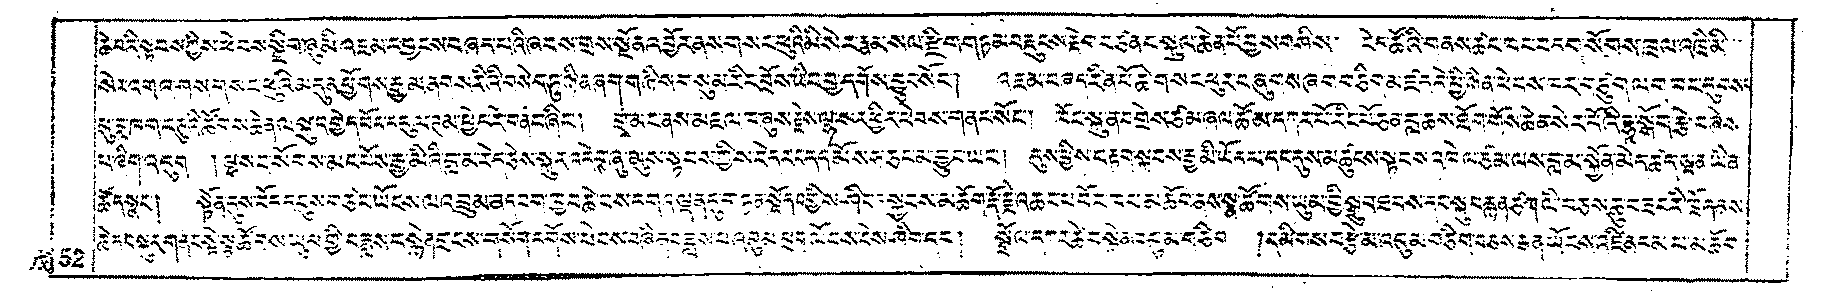ཆེ་བའི་སྟབས་ཀྱིས་ཕེབས་སྒྲིག་ཞུ་མི་འཇམ་དབྱངས་བཞད་པའི་ཞབས་གྲས་སྔོན་འབྱོར་ནས་གསང་ཕུའི་མི་སེར་རྣམས་ལ་རྫིག་གཏམ་བརྡུངས་རྡེག་བཙན་བསྐུལ་ཆེན་པོ་བྱས་གཤིས། ངེད་ཚོའི་གནས་ཚང་ཁང་བདག་སོགས་ཁྲལ་འཁྲི་མི་
སེར་འགའ་ཤས་གསང་ཕུའི་མདུན་ཕྱོགས་རྒྱ་མ་ནགས་རིའི་གསེབ་ཏུ་ཉིན་ཞག་གཉིས་གསུམ་རིང་བྲོས་ཡིབ་བྱ་དགོས་བྱུང་སོང་། འཇམ་བཞད་རིན་པོ་ཆེ་གསང་ཕུར་བཞུགས་ཞག་གཅིག་མཛད་དེ་ཕྱི་ཉིན་ཕེབས་ཁར་གཙུག་ལག་ཁང་དུ་གསང་
ཕུ་བླ་ཁག་བཅུའི་ཚོགས་ཆེན་ལ་སྐུ་འགྱེད་བོད་དངུལ་ཊམ་ཕྱེད་རེ་གནང་ཞིང་། གྲྭ་མང་ནས་མཇལ་ཁ་ཞུས་རྗེས་ལྷ་སར་ཕྱིར་ཕེབས་གནང་སོང་། ཁོང་སྐུ་ན་བགྲེས་ཙམ་ཞལ་ཚོམ་དཀར་པོ་རིང་པོ་ཅན་བླ་ཆས་ཐོག་གོས་ཆེན་སེར་པོའི་དྷཱ་སྒོག་རྩེ་བཞེས་
པ་ཞིག་འདུག །ལྷ་ས་བ་སོགས་མང་པོས་རྒྱ་མིའི་བླ་མ་རེད་ཅེས་སྐུར་འདེབས་ཞུ་མུས་སྟབས་ཀྱིས་ངེད་རང་དད་མོས་ཧ་ཅང་མ་བྱུང་ཡང་། དུས་ཕྱིས་བརྟག་སྐབས་རྒྱ་མི་ཡོད་པ་དང་དུས་མཚུངས་སྟབས་འཁེལ་ཙམ་ལས་བླ་མ་སྐྱོན་མེད་ཚད་ལྡན་ཡིན་
ཚོད་སྣང་། སྟོན་དུས་བོད་དབུས་གཙང་ཡོངས་ལ་འབྲུམ་ནད་བག་ཁྱབ་ཆེ་བས་དགའ་ལྡན་དུ་གཏན་སྡོད་བགྱིས་ཤིང ༧སྐྱབས་མཆོག་རྡོ་རྗེ་འཆང་ཕ་བོང་ཁ་པ་མཆོག་ནས་སྣ་ཚོགས་ཡུམ་གྱི་སྒྲུབ་ཐབས་དང་སྐུ་བརྙན་ཙཀ་ལི་བཅས་ཆུ་བཟང་རི་ཁྲོད་ནས་
ཆེད་བསྐུར་གནང་སྟེ་སྣ་ཚོགས་ཡུམ་གྱི་བཟླས་བསྙེན་གྲངས་གསོག་དགོས་ཕེབས་བཞི་ནང་བཟླས་པ་འབུམ་ཕྲག་ལོངས་ངེས་ཤིག་དང་། སྒྲོལ་དཀར་ཚེ་བསྙེན་འབུམ་གཅིག །དམིགས་བརྩེ་མ་འབུམ་གཅིག་བཅས་རྒན་ཡོངས་འཛིན་དམ་པ་མཆོག་